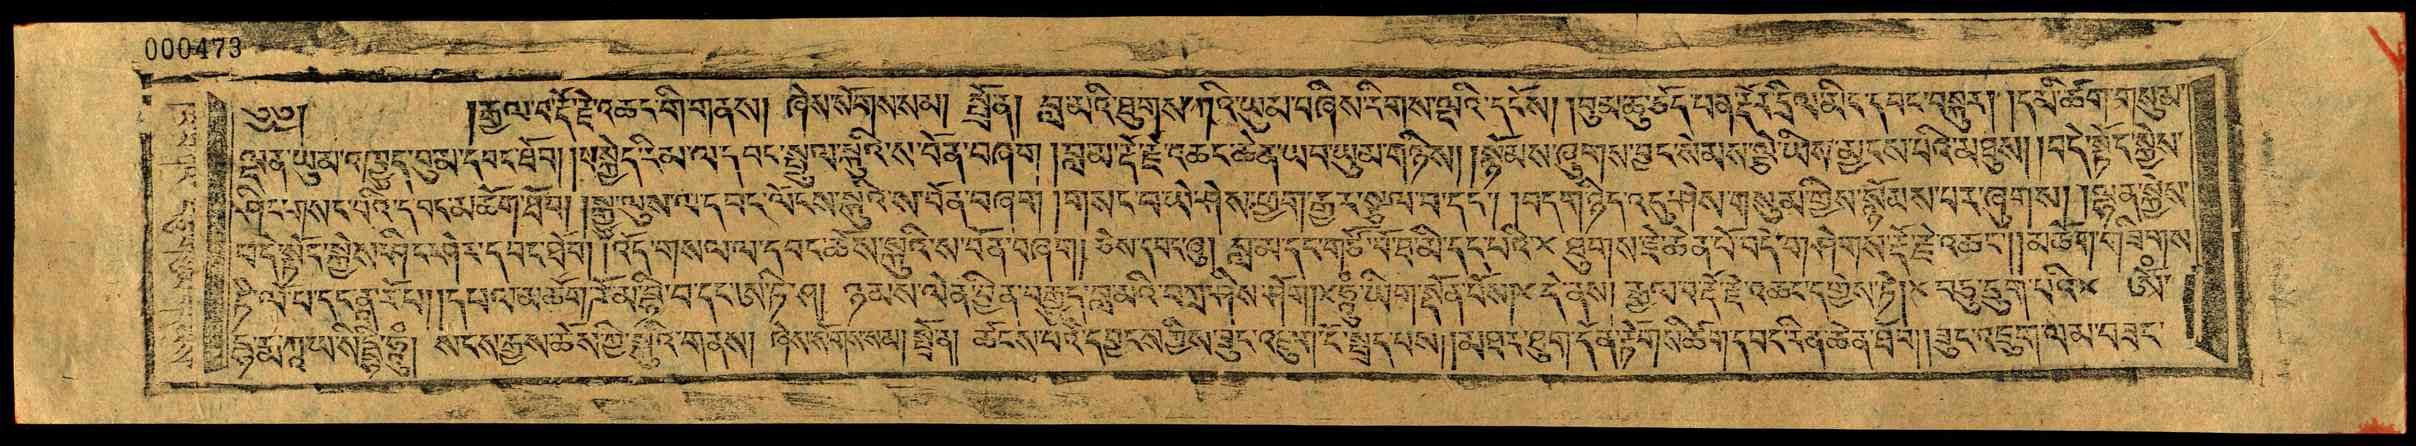༄༅། །རྒྱལ་བ་རྡོ་རྗེ་འཆང་གི་གནས། ཞེས་སོགས་སམ། སྤྲོ་ན། བླ་མའི་ཐུགས་ཀའི་ཡུམ་བཞིས་རིགས་ལྔའི་དངོས། །བུམ་ཆུ་ཅོད་པན་རྡོར་དྲིལ་མིང་དབང་བསྐུར། །དམ་ཚིག་གསུམ་
ལྡན་ཡུམ་འཁྱུད་བུམ་དབང་ཐོབ། །བསྐྱེད་རིམ་ལ་དབང་སྤྲུལ་སྐུའི་ས་བོན་བཞག །བླ་མ་རྡོ་རྗེ་འཆང་ཆེན་ཡབ་ཡུམ་གཉིས། །སྙོམས་ཞུགས་བྱང་སེམས་ལྕེ་ཡིས་མྱངས་པའི་མཐུས། །བདེ་སྟོང་སྐྱེས་
ཤིང་གསང་བའི་དབང་མཆོག་ཐོབ། །སྒྱུ་ལུས་ལ་དབང་ལོངས་སྐུའི་ས་བོན་བཞག །གསང་བ་ཡེ་ཤེས་ཕྱག་རྒྱར་སྩལ་བ་དང་། །བདག་ཉིད་འདུ་ཤེས་གསུམ་གྱིས་སྙོམས་པར་ཞུགས། །ལྷན་སྐྱེས་
བདེ་སྟོང་སྐྱེས་ཤིང་ཤེར་དབང་ཐོབ། །འོང་གསལ་ལ་དབང་ཆོས་སྐུའི་ས་བོན་བཞག ། ཅེས་དབང་ཞུ། བླ་མ་དང་གཙོ་བོ་ཐ་མི་དད་པའི་྾་ཐུགས་ཇེ་ཆེན་པོ་བདེ་གཤེགས་རྡོ་རྗེ་འཆང་། །མཆོག་གཟིགས་
ཏཻ་ལོ་པ་དང་ནཱ་རོ་པ། །དཔལ་མཆོག་ཌོ་མ་བྷི་པ་དང་ཨ་ཏི་ཤ། ཉམས་ལེན་བྱིན་བརྒྱུད་བླ་མའི་བཀྲ་ཤིས་ཤོག ། ྾་ཧཱུཾ་ཡིག་སྔོན་པོས། ྾་དེ་ནས། རྒྱལ་བ་རྡོ་རྗེ་འཆང་དགྱེས་ཏེ། ྾་བཅུ་དྲུག་པའི་྾་ཨོཾ་
དྷ་རྨ་ཀཱ་ཡ་སིདྡྷ་ཧཱུཾ། སངས་རྒྱས་ཆོས་ཀྱི་སྐུའི་གནས། ཞེས་སོགས་སམ། སྤྲོ་ན། ཚངས་པའི་དབྱངས་ཀྱིས་ཟུང་འཇུག་ངོ་སྤྲད་པས། །མཐར་ཐུག་དོན་རྟོགས་ཚིག་དབང་རིན་ཆེན་ཐོབ། །ཟུང་འཇུག་ལམ་བཟང་